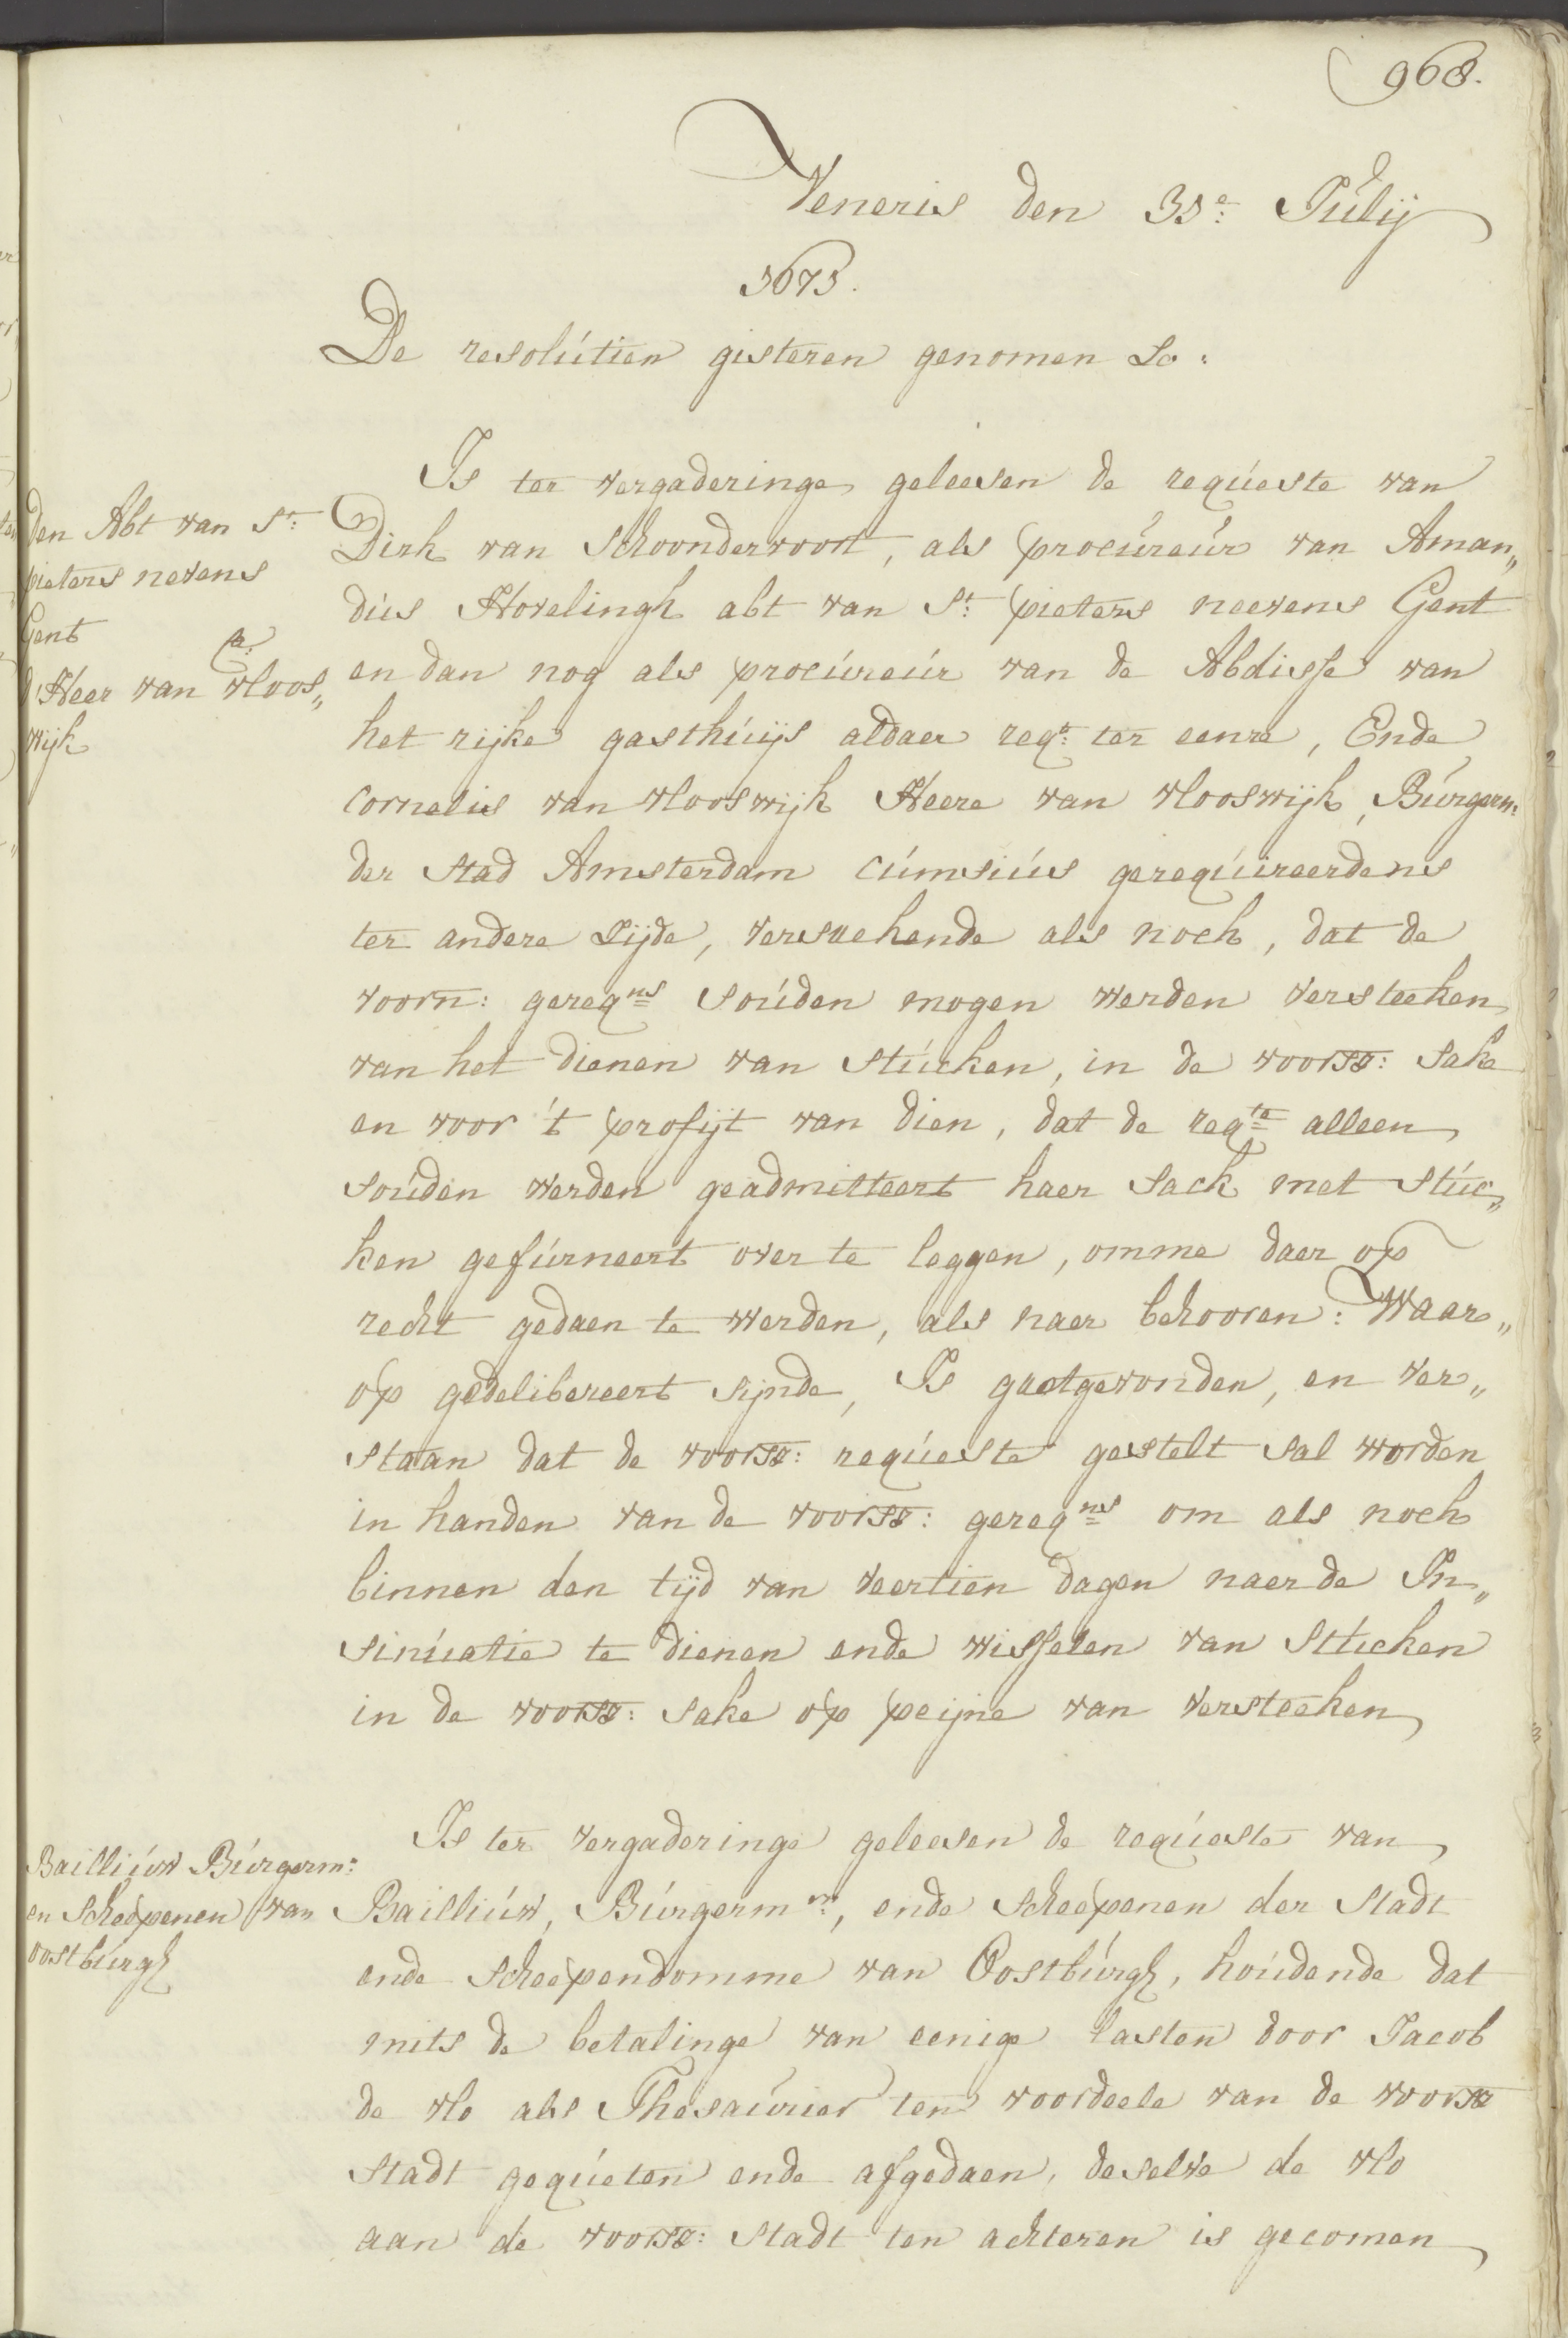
968.
Veneris den 31e: Julij
1671.
De resolutien gisteren genomen & :
Den Abt van St:
pieters nevens
Gent
Ca.
d'Heer van vloos,,
wijk
Is ter vergaderinge geleesen de requeste van
Dirk van Schoondervoort, als procureur van Aman„
dus Hovelingh abt van St: pieters neevens Gent
en dan nog als procureur van de Abdisse van
het rijke gasthuijs aldaer reqt: ter eenre, Ende
Cornelis van vlooswijk Heere van vlooswijk, Burgerm.
der stad Amsterdam cumsuis gerequireerdens
ter andere zijde, versoekende als noch, dat de
voorn: gereqns souden mogen werden versteeken,
van het dienen van stucken, in de voorsz: sake
en voor 't profijt van dien, dat de reqte alleen
souden worden geadmitteert haer sack met stuc,,
ken gefurneert over te leggen, omme daar op
recht gedaen te werden, als naer behooren: Waar,,
op gedelibereert sijnde, Is goetgevonden, en ver,,
staan dat de voorsz: requeste gestelt sal worden
in handen van de voorsz: gereqns om als noch
binnen den tijd van veertien dagen naer de In,,
sinuatie te dienen ende wisselen van stucken
in de voorsz: sake op peijne van versteeken
Bailliuw Burgermn.
en Schepenen van
oostburgh
Is ter vergaderinge geleesen de requeste van
Bailluw, Burgermn., ende scheepenen der Stadt
ende scheependomme van Oostburgh, houdende dat
mits de betalinge van eenige lasten door Jacob
de vlo als Thesaurier ten voordeele van de voorsz
stadt gequeten ende afgedaen, deselve de vlo
aan de voorsz: stadt ten achteren is gecomen
